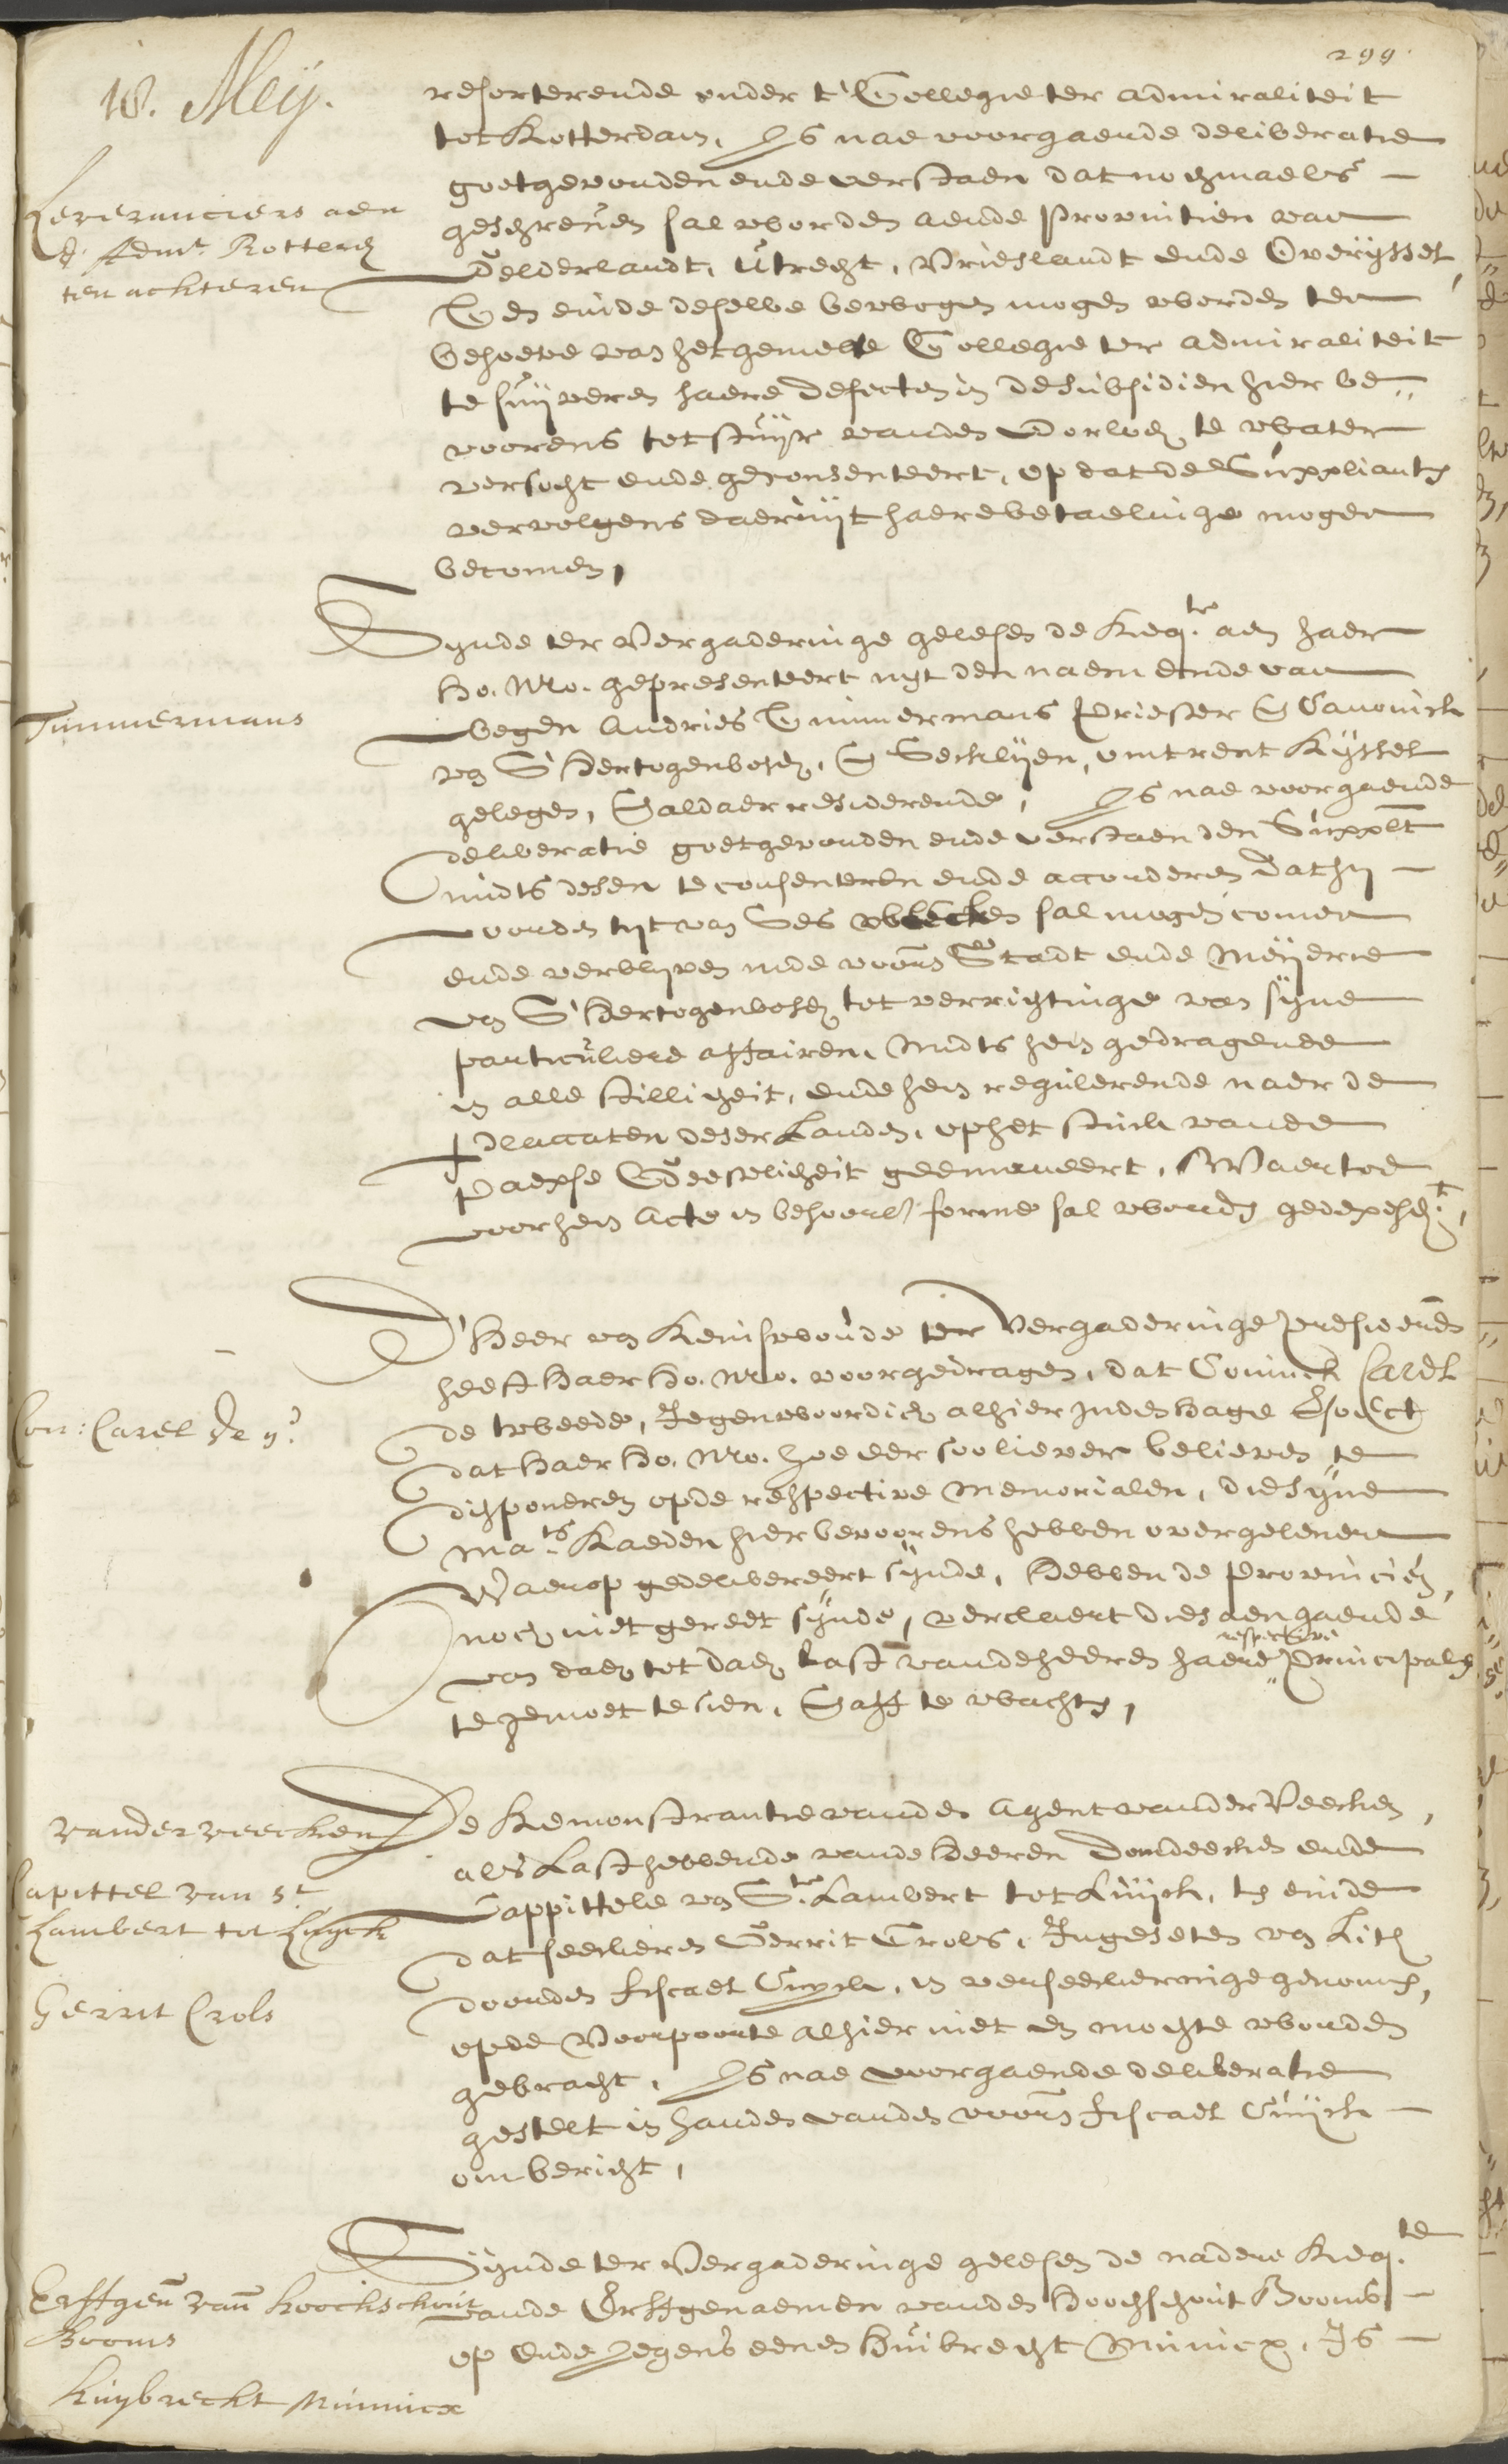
299.
18. Meij.
Leveranciers aen
d‛ Admt. Rotterd.
ten achteren„
resorterende onder t' Collegie ter Admiraliteit
tot Rotterdam, Is nae voorgaende deliberatie
goetgevonden ende verstaen dat nochmaels —
geschreuen sal worden aende Provintien van
Gelderlandt, Utrecht, Vrieslandt ende Overijssel,
Ten einde deselve bewogen mogen worden ten
behoeve van het gemelte Collegie ter admiraliteit
te suijveren haere defecten in de subsidien hier be„
voorens tot stuijr vanden Oorloch te water
versocht ende geconsenteert, op dat de Supplianten
vervolgens daeruijt haere betaelinge mogen
becomen.
Timmermans
Synde ter Vergaderinge gelesen de Reqte. aen haer
Ho:Mo: gepresenteert uyt den naem ende van
wegen Andries Timmermans Priester & Canonick
van S‛Hertogenbosch, & Secklijen, omtrent Rijssel
gelegen, & aldaer residerende, Is nae voorgaende
deliberatie goetgevonden ende verstaen den Supplt.
midts desen te consenteren ende accorderen dat hy
voorden tyt van Ses weecken sal mogen comen
ende verblyven inde voorn Stadt ende meijerie
van S'Hertogenbosch tot verrichtinge van sijne
particuliere affairen, Midts hem gedragende
in alle stillicheit, ende hem regulerende naer de
Placcaten deser Landen, op het stuck vande
Paepse Geestelicheit geemaneert, Waertoe
voor hem acte in behoorl forme sal worden gedepescht.
Con: Carel de ije.
D'heer van Reinswoude ter Vergaderinge presideren
heeft haer Ho:Mo: voorgedragen, dat Coninck Carel
de tweede, Jegenwoordich alhier Inden Hage vsoect,
dat haer Ho:Mo: Hoe eer soo liever believen te
disponeren opde respective memorialen, die sijne
Mats. Raeden hier bevoorens hebben overgelevert
Waerop gedelibereert sijnde, hebben de provincien
noch niet gereet sijnde, verclaert dien aengaende
van daer tot daer last vande heeren haere#respective Principalen
te gemoet te sien, & aff te wachten,
vander veecken
Capittel van St.
Lambert tot Luyck
Gerrit Crols
De Remonstrantie vanden Agent vander Veecken,
als Lasthebbende vande Heeren Domdeecken ende
Cappittele van Ste.Lambert tot Luijck, ten einde
dat seeckeren Gerrit Crols, Ingeseten van Lith
voor den fiscael Cuyck, in verseeckeringe genomen,
opde Voorpoorte alhier niet en mochte worden
gebracht. Is nae voorgaende deliberatie
gestelt in handen vanden voors fiscael Cuijck
ombericht.
Erffgen van Hoochschout
Booms
Huybrecht Munnicx
Sijnde ter Vergaderinge gelesen de nadere Reqte.
vande Erffgenaemen vanden Hoochschout Booms
op ende Jegens eenen Huibrecht Municx, Is
